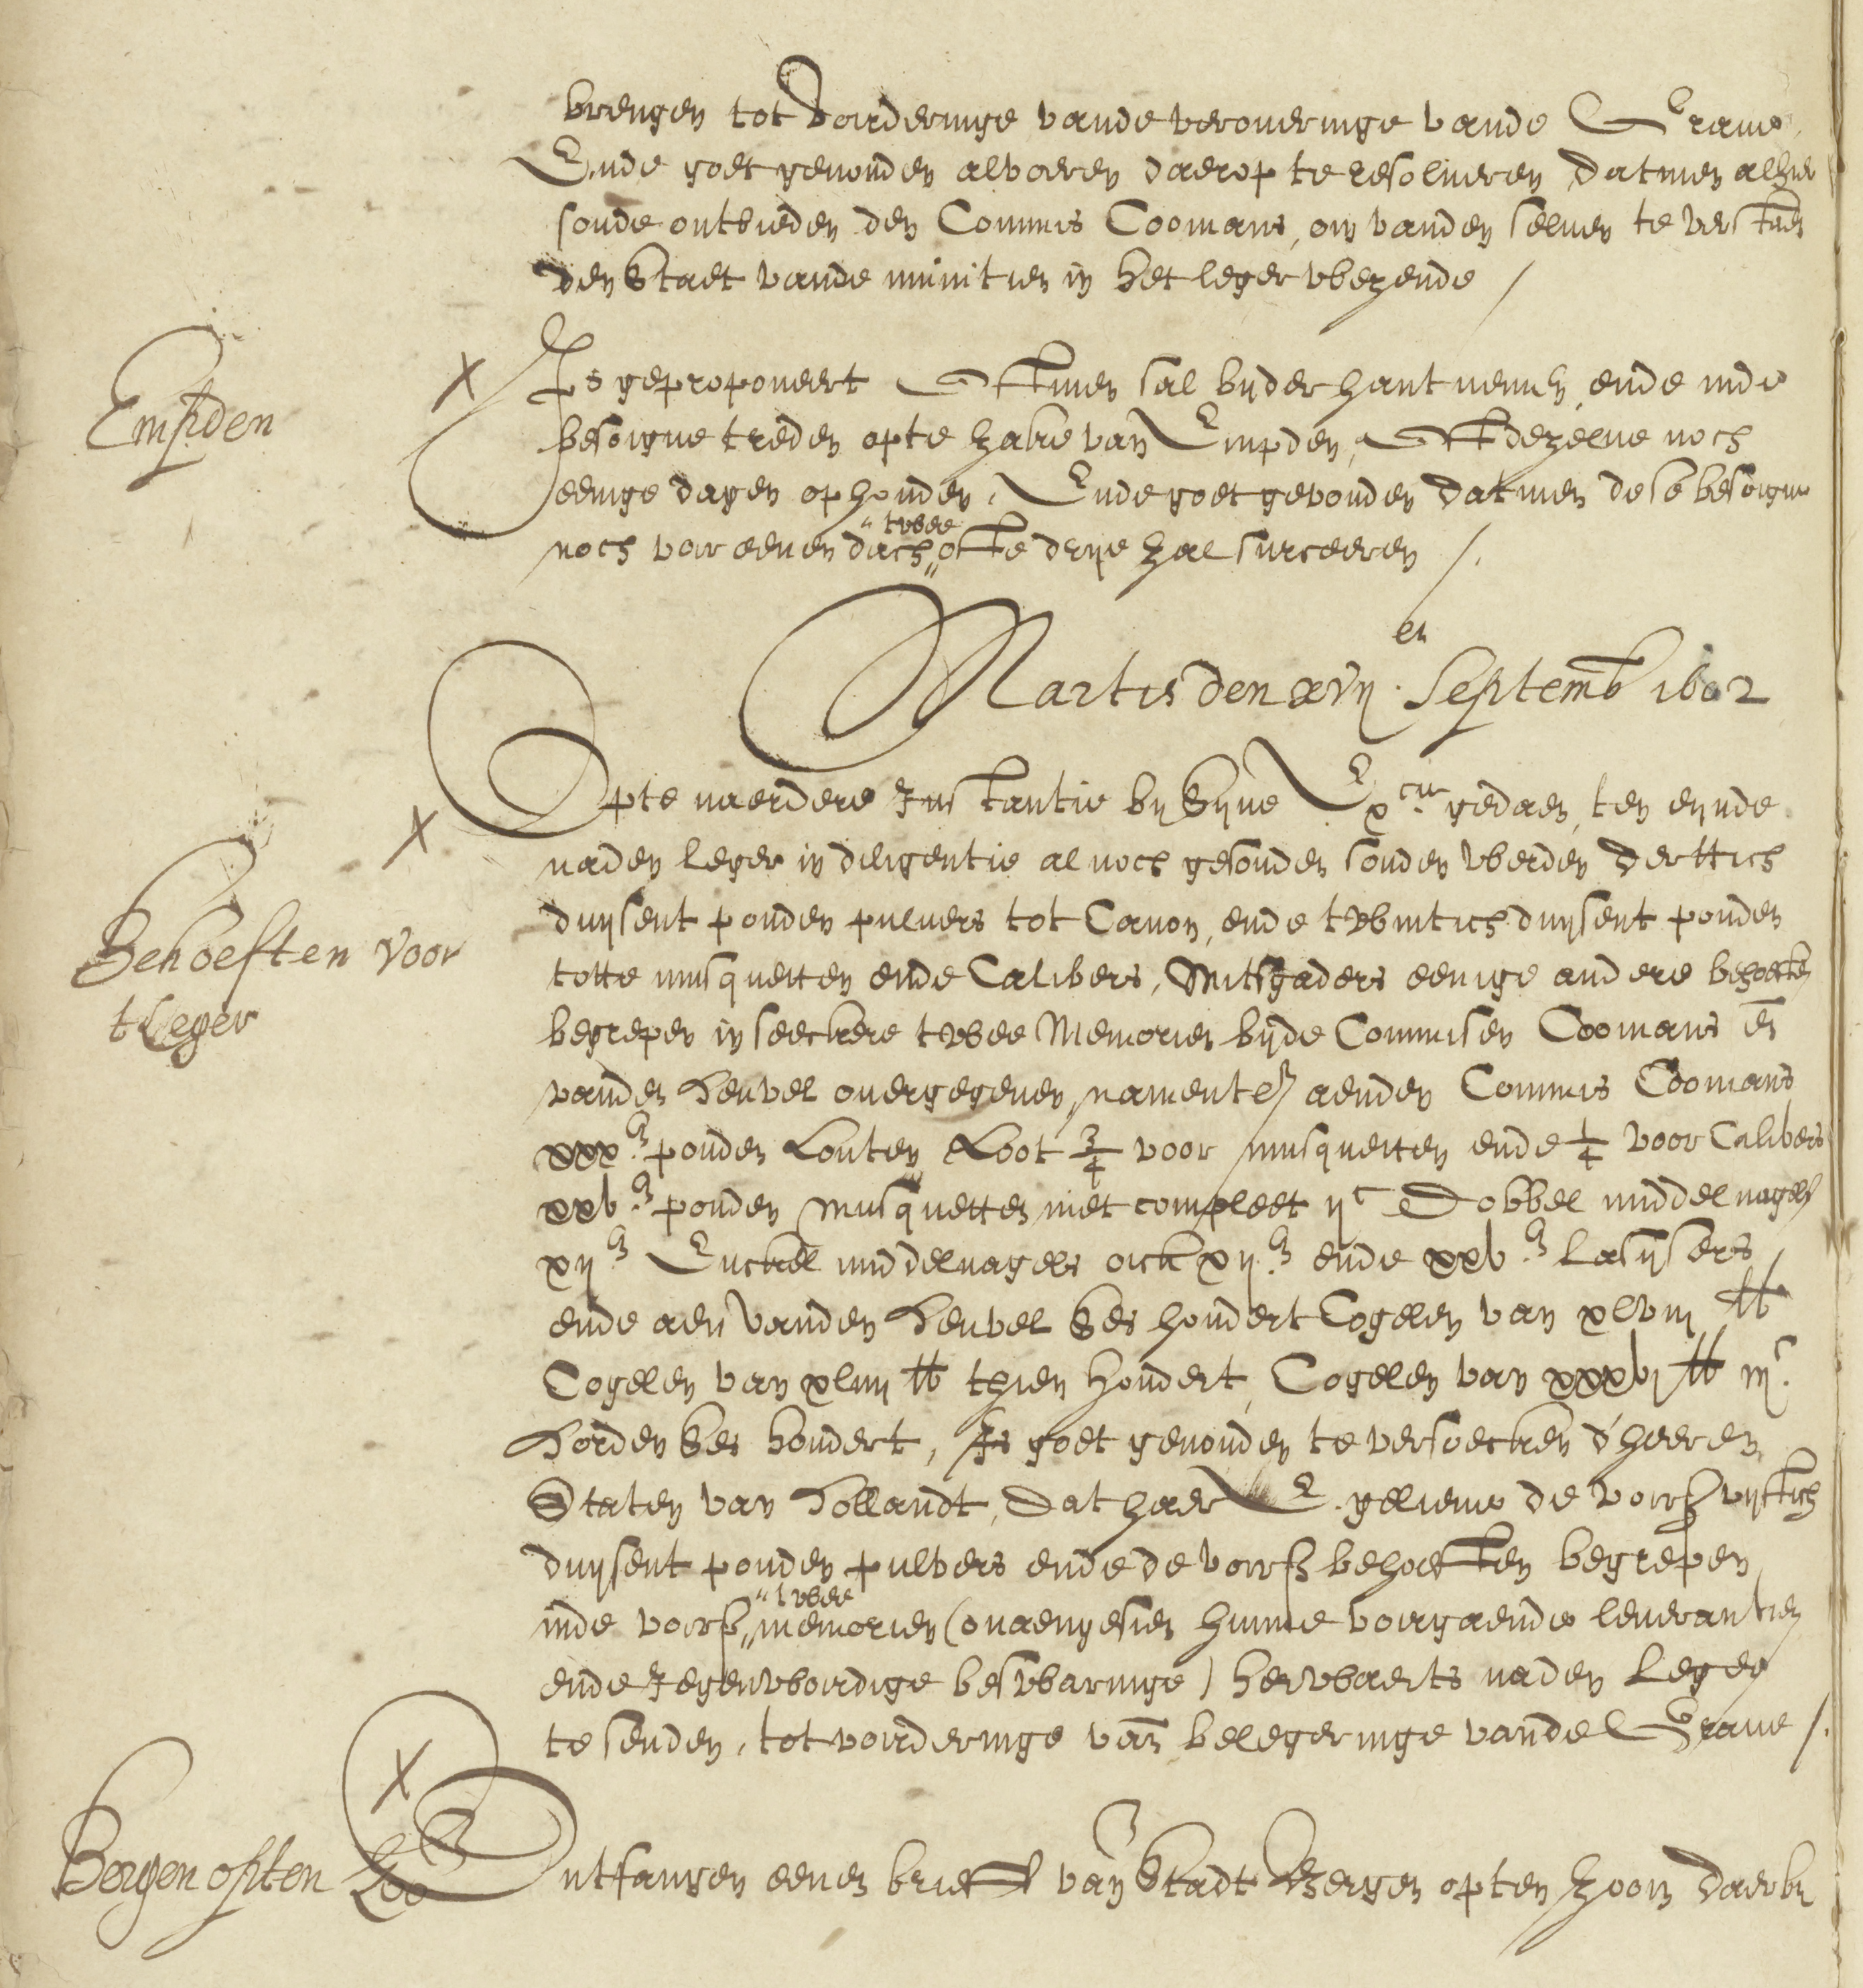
brengen tot Voirderinge vande veroueringe vande Graue
Ende goetgeuonden alvoeren daerop te resolueren, datmen alhier
soude ontbieden den Commis Coomans, om vanden seluen te verstaen
den Staet vande munitien in het leger wezende.
Empden
Is geproponeert Off men sal byder hant nemen, ende inde
besoigne treden opte zake van Empden, Off dezelue noch
eenige dagen ophouden. Ende goetgevonden dat men dese besoigne
''twee
noch voir eenen dach,,ofte drye zal surceeren.
Martis den xvijen. Septemb 1602
Behoeften voor
t Leger
Opte naerdere instantie by Syne Excie. gedaen, ten eynde
naden leger in diligentie al noch gesonden souden werden derttich
duysent ponden puluers tot Canon, ende twintich duysent ponden
totte musquetten ende Calibers, Mitsgaders eenige andere behoeften
begrepen in seeckere twee Memorien byde Commisen Coomans en
vanden Heuvel ouergegeuen, namentl aenden Commis Coomans
xxxm. ponden Lonten Loot ¾ voor musquetten ende ¼ voor Calibers
xxvm. ponden musquetten niet compleet ijc Dobbel middel nagels
xijm. Enckel middelnagels oick xijm. ende xxvm. lasysers
ende aen vanden Heuvel Ses hondert Cogelen van xlviij lb
Cogelen van xliiij lb thien hondert, Cogelen van xxxvj lb iijc.
horden Ses hondert. Is goet geuonden te versoecken d'heeren
Staten van Hollandt, dat haer E. gelieue de voirs vyftich
duysent ponden pulvers ende de voirs behoeften begrepen
,,twee
inde voirs,,memorien (onaengesien hunnen voirgaende leuerantien
ende Jegenwoirdige beswaringe) herwaerts naden Leger
te senden, tot voirderinge van belegeringe vande Graue.
Bergen opten Zoom
Ontfangen eenen brieff van Stadt Bergen opten zoom daerby
